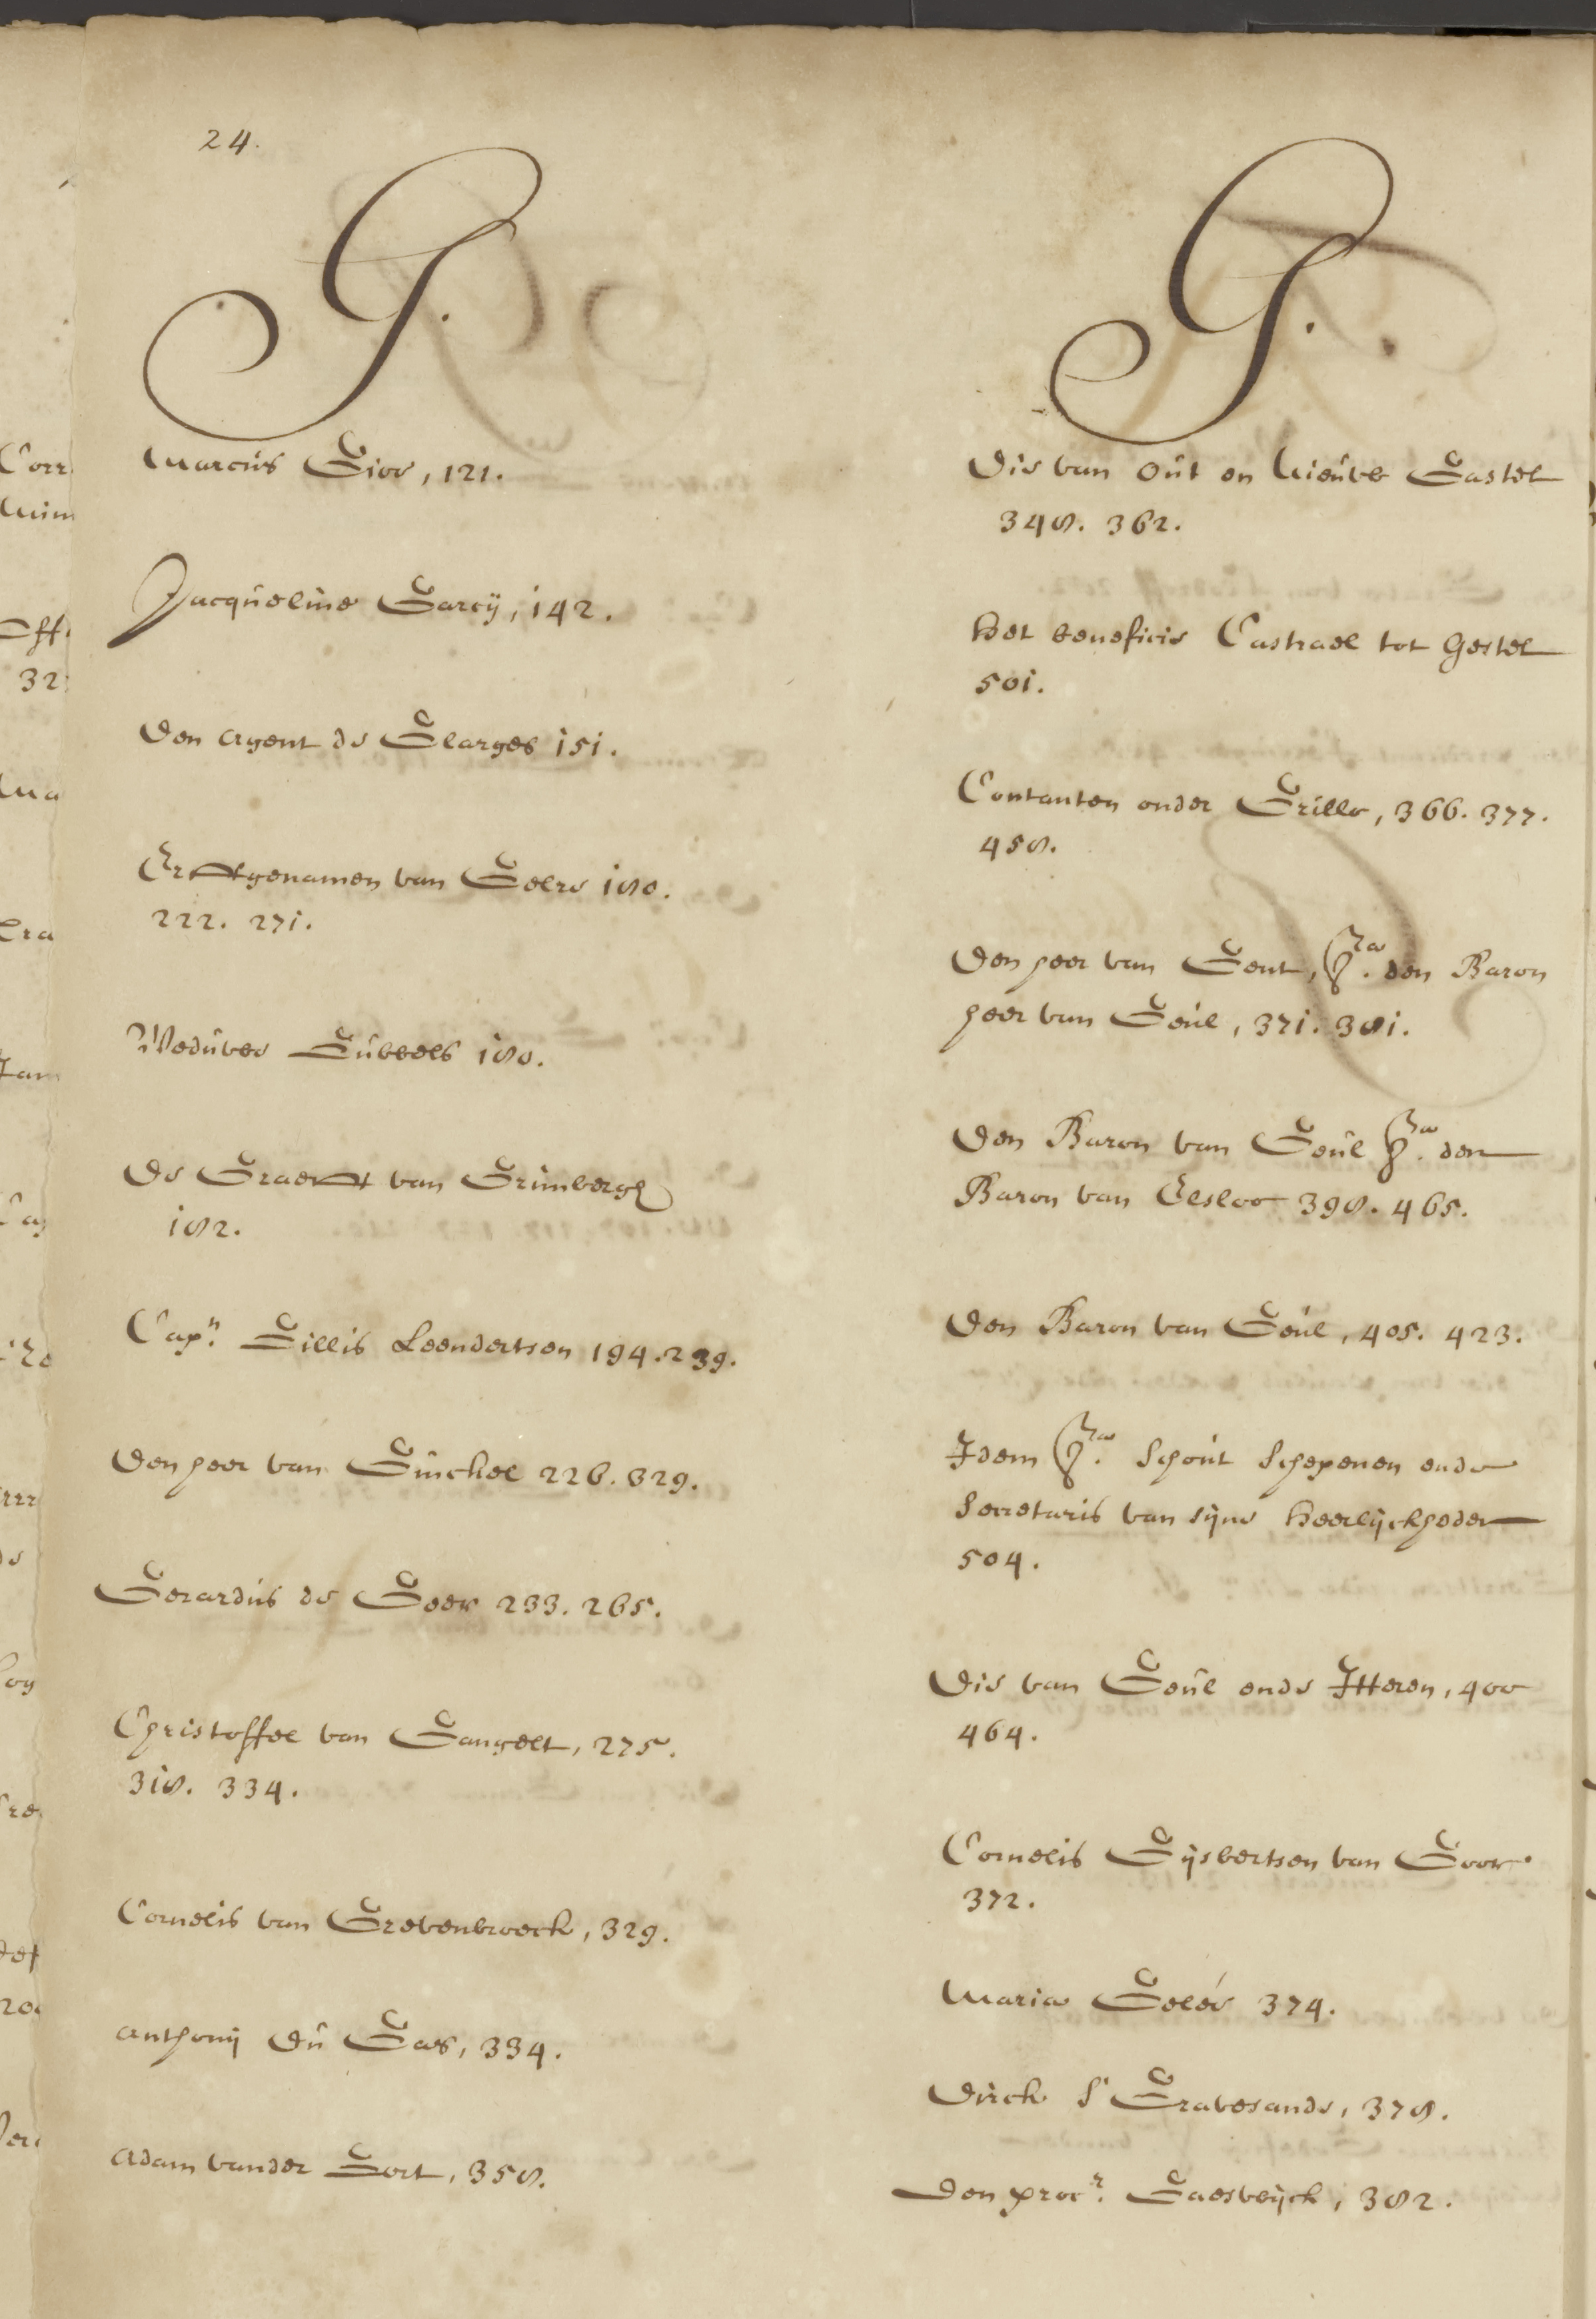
24.
G.
Marcus Gior, 121.
Jacqueline Garcij, 142.
Den Agent de Glarges 151.
Erffgenamen van Gelre 180.
222. 271.
Weduwe Gubbels 180.
De Graeff van Grunbergh
182.
Capn. Gillis Leendertsen 194. 239.
Den heer van Ginckel 226. 329.
Gerardus de Geer 233. 265.
Christoffel van Gangelt, 275.
318. 334.
Cornelis van Grevenbroeck, 329.
Anthonij du Gas, 334.
Adam vander Gort, 358.
G.
Die van Out on Nieuw Gastel
348. 362.
het beneficie Castrael tot Gestel
501.
Contanten onder Grillo, 366. 377.
458.
Den heer van Gent ca. den Baron
heer van Geul, 371. 381.
Den Baron van Geul, 405. 423.
Baron van Elsloo, 398, 465.
Den Baron van Geul, 405, 423.
Idem ca. Schout Schepenen ende
Secretaris van sijne heerlijckheden
504.
Die van Geul ende Itteren, 400
464.
Cornelis Gijsbertsen van Goor
372.
Maria Geler 374.
Dirck s'Gravesande, 378.
Den procr. Gaeswijck, 382.
